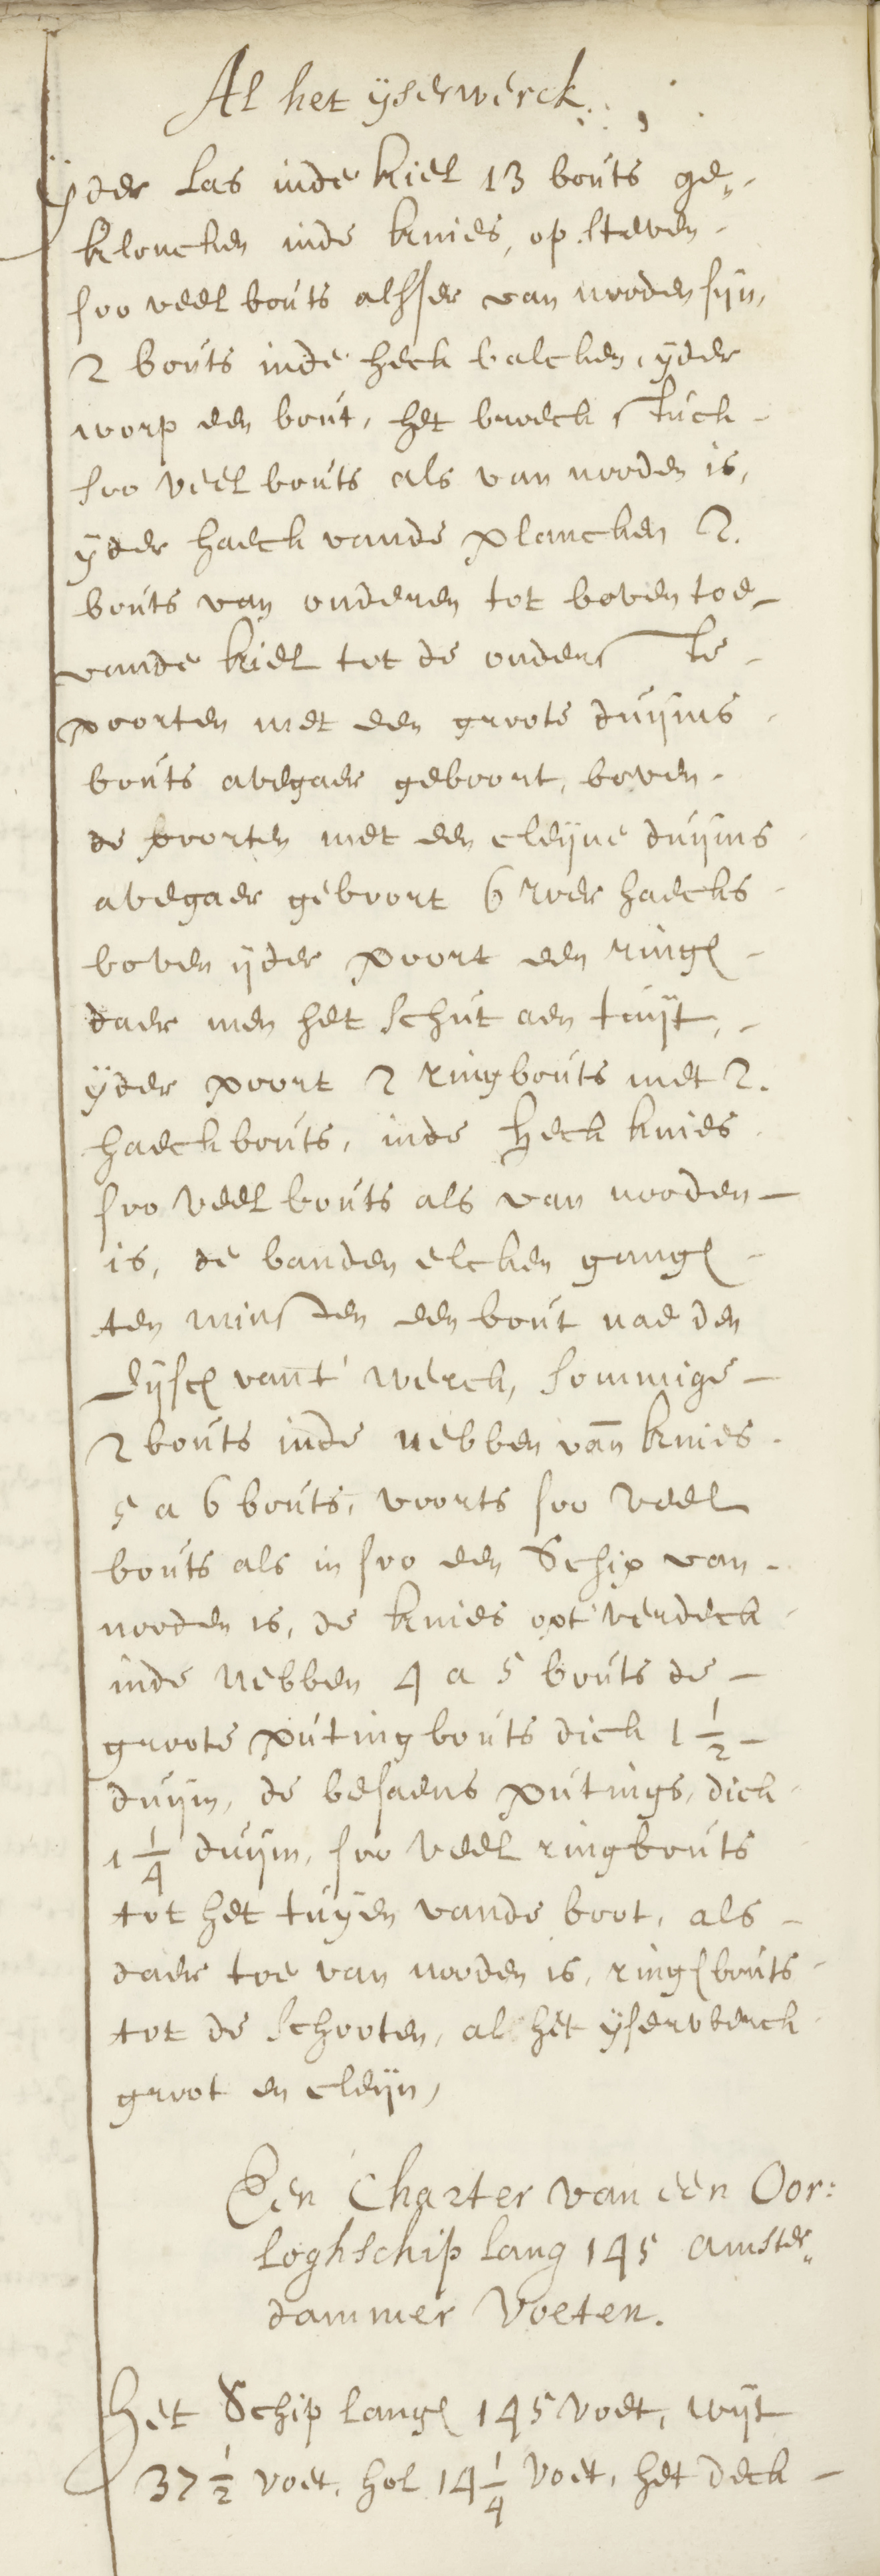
Al het ijserwerck.
IJder las inde kiel 13 bouts ge„
kloncken inde knies, op steven
soo veel bouts alsser van nooden sijn,
2 bouts inde heck balcken, ijder
worp een bout, het broeck stuck
soo veel bouts als van nooden is,
ijder haeck vande plancken 2.
bouts van onderen tot boven toe
vande kiel tot de onderste
poorten met een groote duijms
bouts avegaer geboort, boven
de poorten met een cleijne duijms
avegaer geboort 6 roer haecks
boven ijder poort een ringh
daer men het schut aen tuijt,
ijder poort 2 ringbouts met 2.
haeckbouts, inde Heck knies
soo veel bouts als van nooden
is, de banden elcken gangh
ten minsten een bout nae den
Eijsch van t' werck, sommige -
2 bouts inde nebben van knies
5 a 6 bouts, voorts soo veel
bouts als in soo een schip van
nooden is, de knies opt' verdeck
inde nebben 4 a 5 bouts de
groote putingbouts dick 1½
duijm, de besaens putings, dick
1¼ duijm, soo veel ringbouts
tot het tuijen vande boot, als
daer toe van nooden is, ringhbouts
tot de schooten, al het ijserwerck
groot en cleijn.
Een Charter van een Oor:
loghschip lang 145 Amster„
dammer Voeten.
Het schip langh 145 voet, wijt
37½ voet, hol 14¼ voet, het deck
